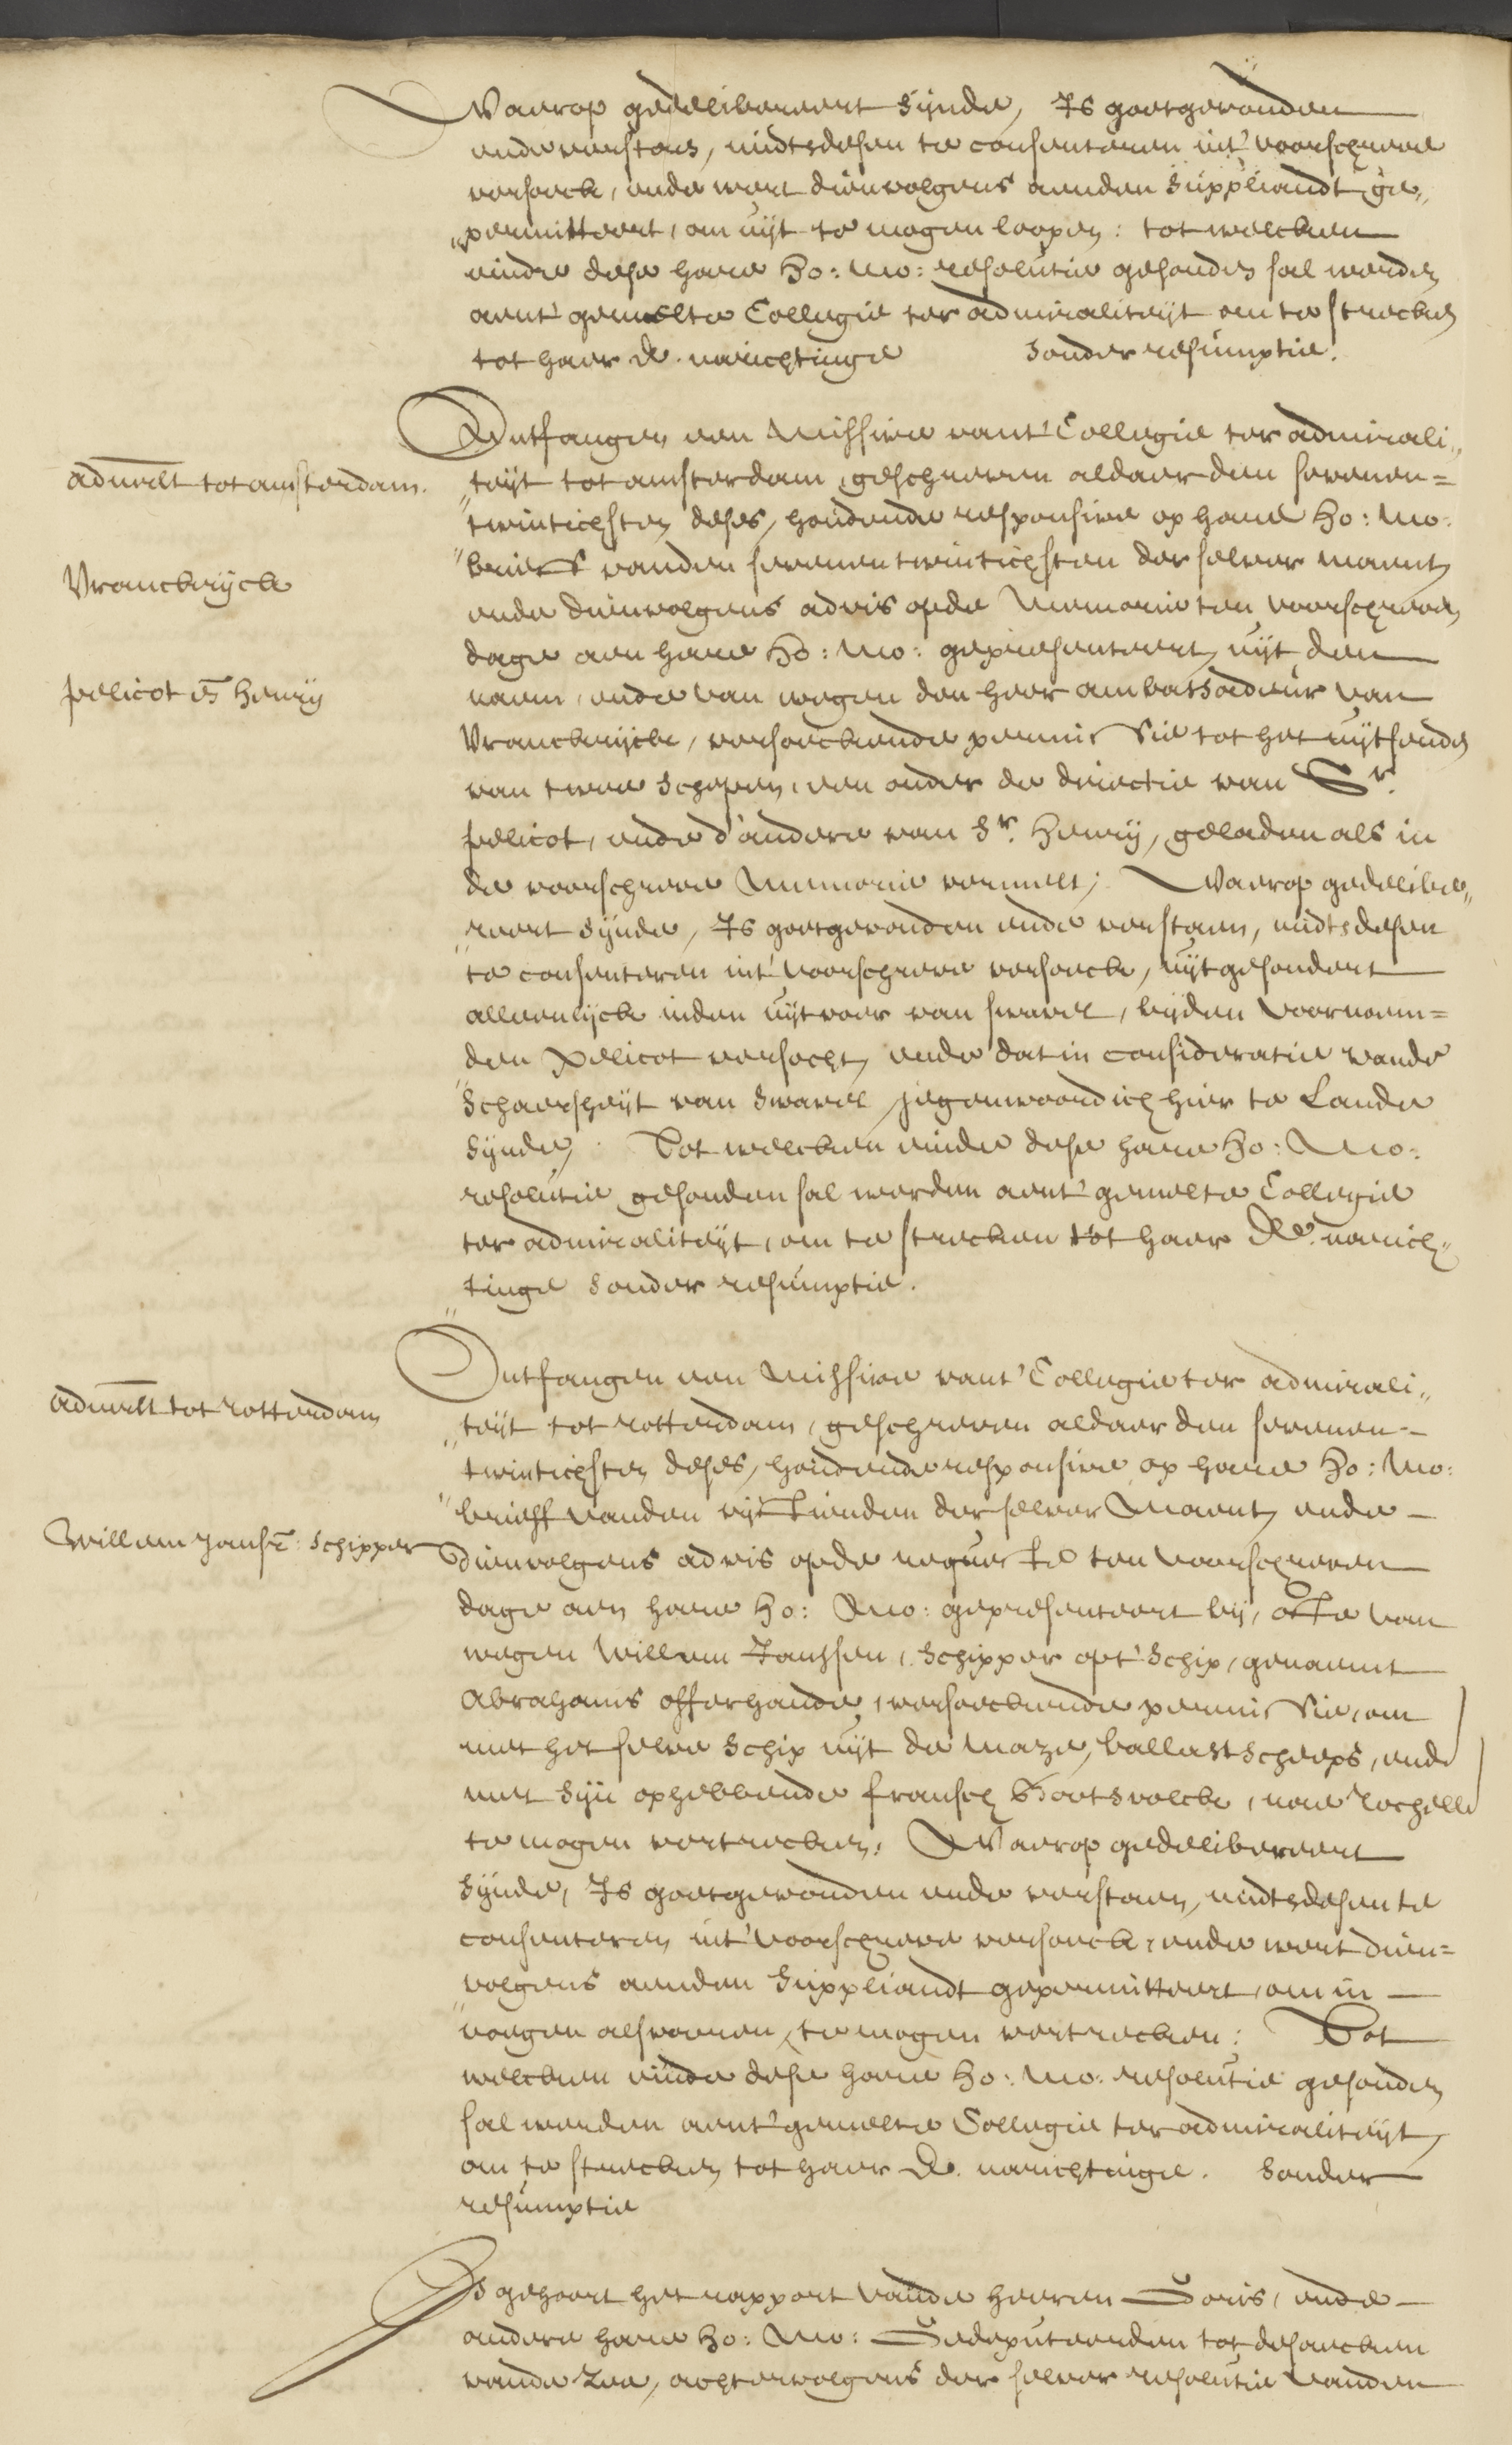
Waerop gedelibereert sijnde, Is goetgevonden
ende verstaen, midtsdesen te consenteren int' voorschreve
versoeck, ende wert dienvolgens aenden suppliandt ge„
,,permitteert, om uijt te mogen loopen: tot welcken
einde dese hare Ho:Mo: resolutie gesonden sal werden
aent' gemelte Collegie ter Admiraliteijt om te strecken
tot haer E. narichtinge sonder resumptie.
Admrlt tot Amsterdam
Vranckrijck
Pelicot en Henrij
Ontfangen een missive vant' Collegie ter Admirali„
,,teijt tot Amsterdam geschreven aldaer den sevenen=
,,twintichsten deses, houdende responsive op hare Ho:Mo:
brieff vanden sevenentwintichsten der selver maent,
ende dienvolgens advis opde memorie ten voorschreven
dage aen hare Ho:Mo: gepresenteert, uijt den
naem, ende van wegen den heer ambassadeur van
Vranckrijck, versoeckende permissie tot het uijtsenden
van twee schepen, een onder de directie van Sr
Pelicot, ende d'andere van Sr Henrij, geladen als in
de voorschreve memorie vermelt; Waerop gedelibe„
,,reert sijnde, Is goetgevonden ende verstaen, midtsdesen
te consenteren int' voorschreve versoeck, uijtgesondert
alleenlijck inden uijtvoer van swavel, bijden voernoem=
den Pelicot versocht, ende dat in consideratie vande
schaersheijt van swavel jegenwoordich hier te Lande
sijnde. Tot welcken ende dese hare Ho:Mo:
resolutie gesonden sal werden aent' gemelte Collegie
ter admiraliteijt, om te strecken tot haer E. narich„
,,tinge sonder resumptie.
Admrlt tot Rotterdam
Willem Jansz: Schipper
Ontfangen een missive vant' Collegie ter Admirali„
,,teijt tot Rotterdam, geschreven aldaer den sevenen„
,,twintichsten deses, houdende responsive op hare Ho:Mo:
brieff vanden vijftienden der selver Maent, ende
dienvolgens advis opde requeste ten voorschreven
dage aen hare Ho:Mo: gepresenteert bij ofte van
wegen Willem Janssen, schipper opt' Schip, genaemt
Abrahams offerhande, versoeckende permissie, om
met het selve schip uijt de Maze, ballastscheeps, ende
met sijn ophebbende Fransch Bootsvolck, nae Rochelle
te mogen vertrecken. Waerop gedelibereert
sijnde, Is goetgevonden ende verstaen, midtsdesen te
consenteren int' voorschreve versoeck, ende wert dien=
,,volgens aenden Suppliandt gepermitteert, om in
voegen alsvoeren, te mogen vertrecken: Tot
welcken einde dese hare Ho:Mo: resolutie gesonden
sal werden aent' gemelte Collegie ter admiraliteijt,
om te strecken tot haer E. narichtinge, sonder
resumptie.
Is gehoort het rapport vande heeren Goris, ende -
andere hare Ho:Mo: Gedeputeerden tot de saecken
vande Zee, achtervolgens der selver resolutie vanden
